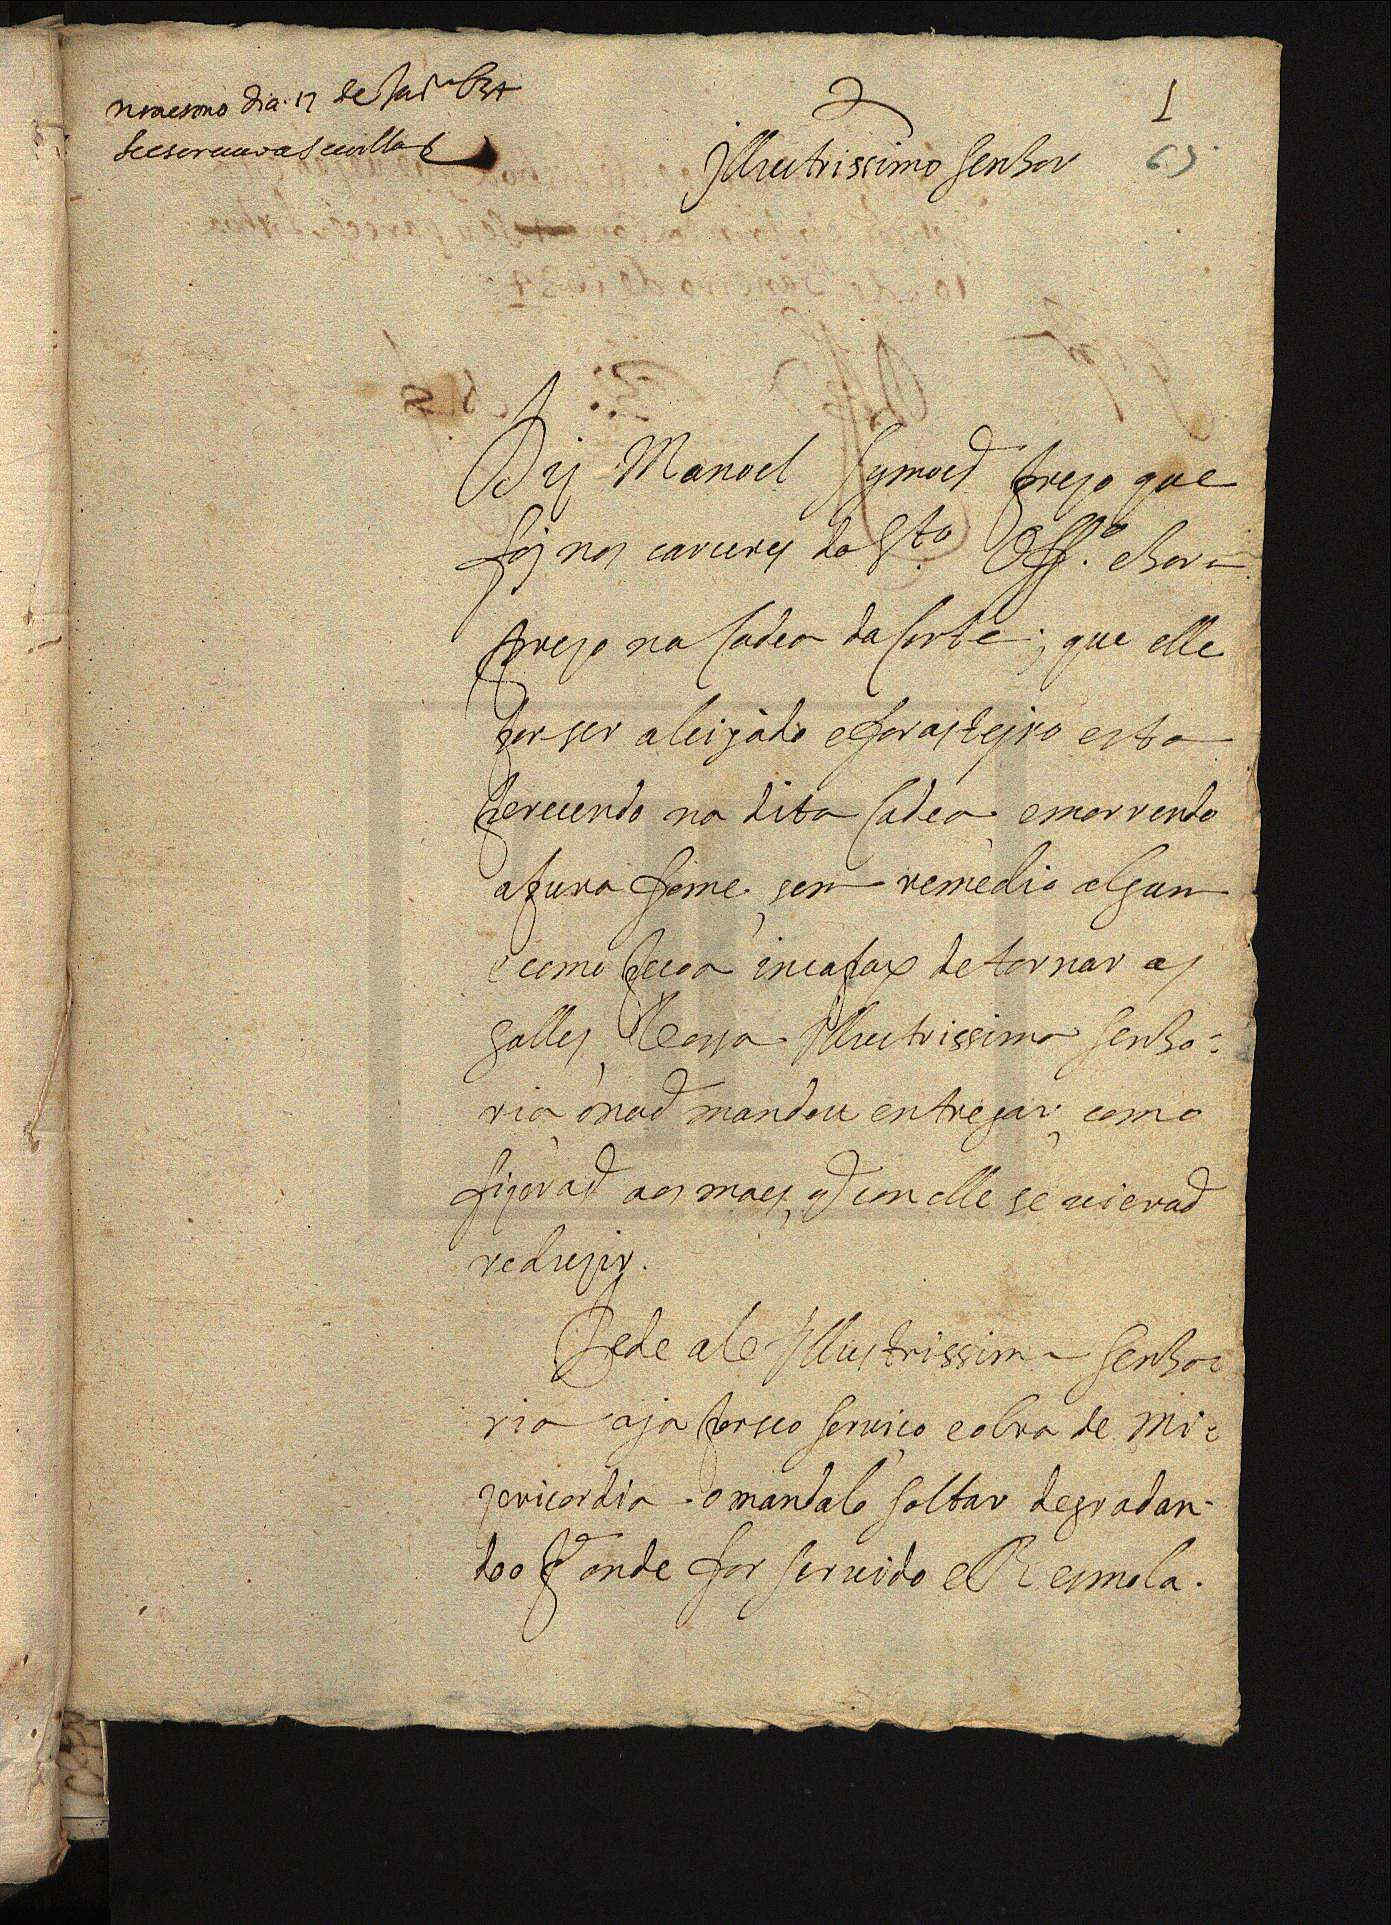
no mesmo dia. 17 de Ianro 634
se escreueo a seuilla
Jllustrissimo Senhor
Diz Manoel Symoẽs prezo que
foj nos carceres do St.o Off.o e hora
prezo na Cadea da Corte; que elle
por ser aleijado e forasteiro esta
perecendo na dita Cadea e morrendo
a pura fome; sem remedio algum
e como peçoa incapax de tornar as
galles, Vossa Jllustrissima senho
ria o naõ mandou entregar, como
fizeraõ aos maes, q̄ con elle se uieraõ
reduzir.
Pede a V Jllustrissima Senhor
ria aja por seo seruiço e obra de mi
zericordia o mandalo soltar degradan
doo pa onde for seruido e R esmola.
